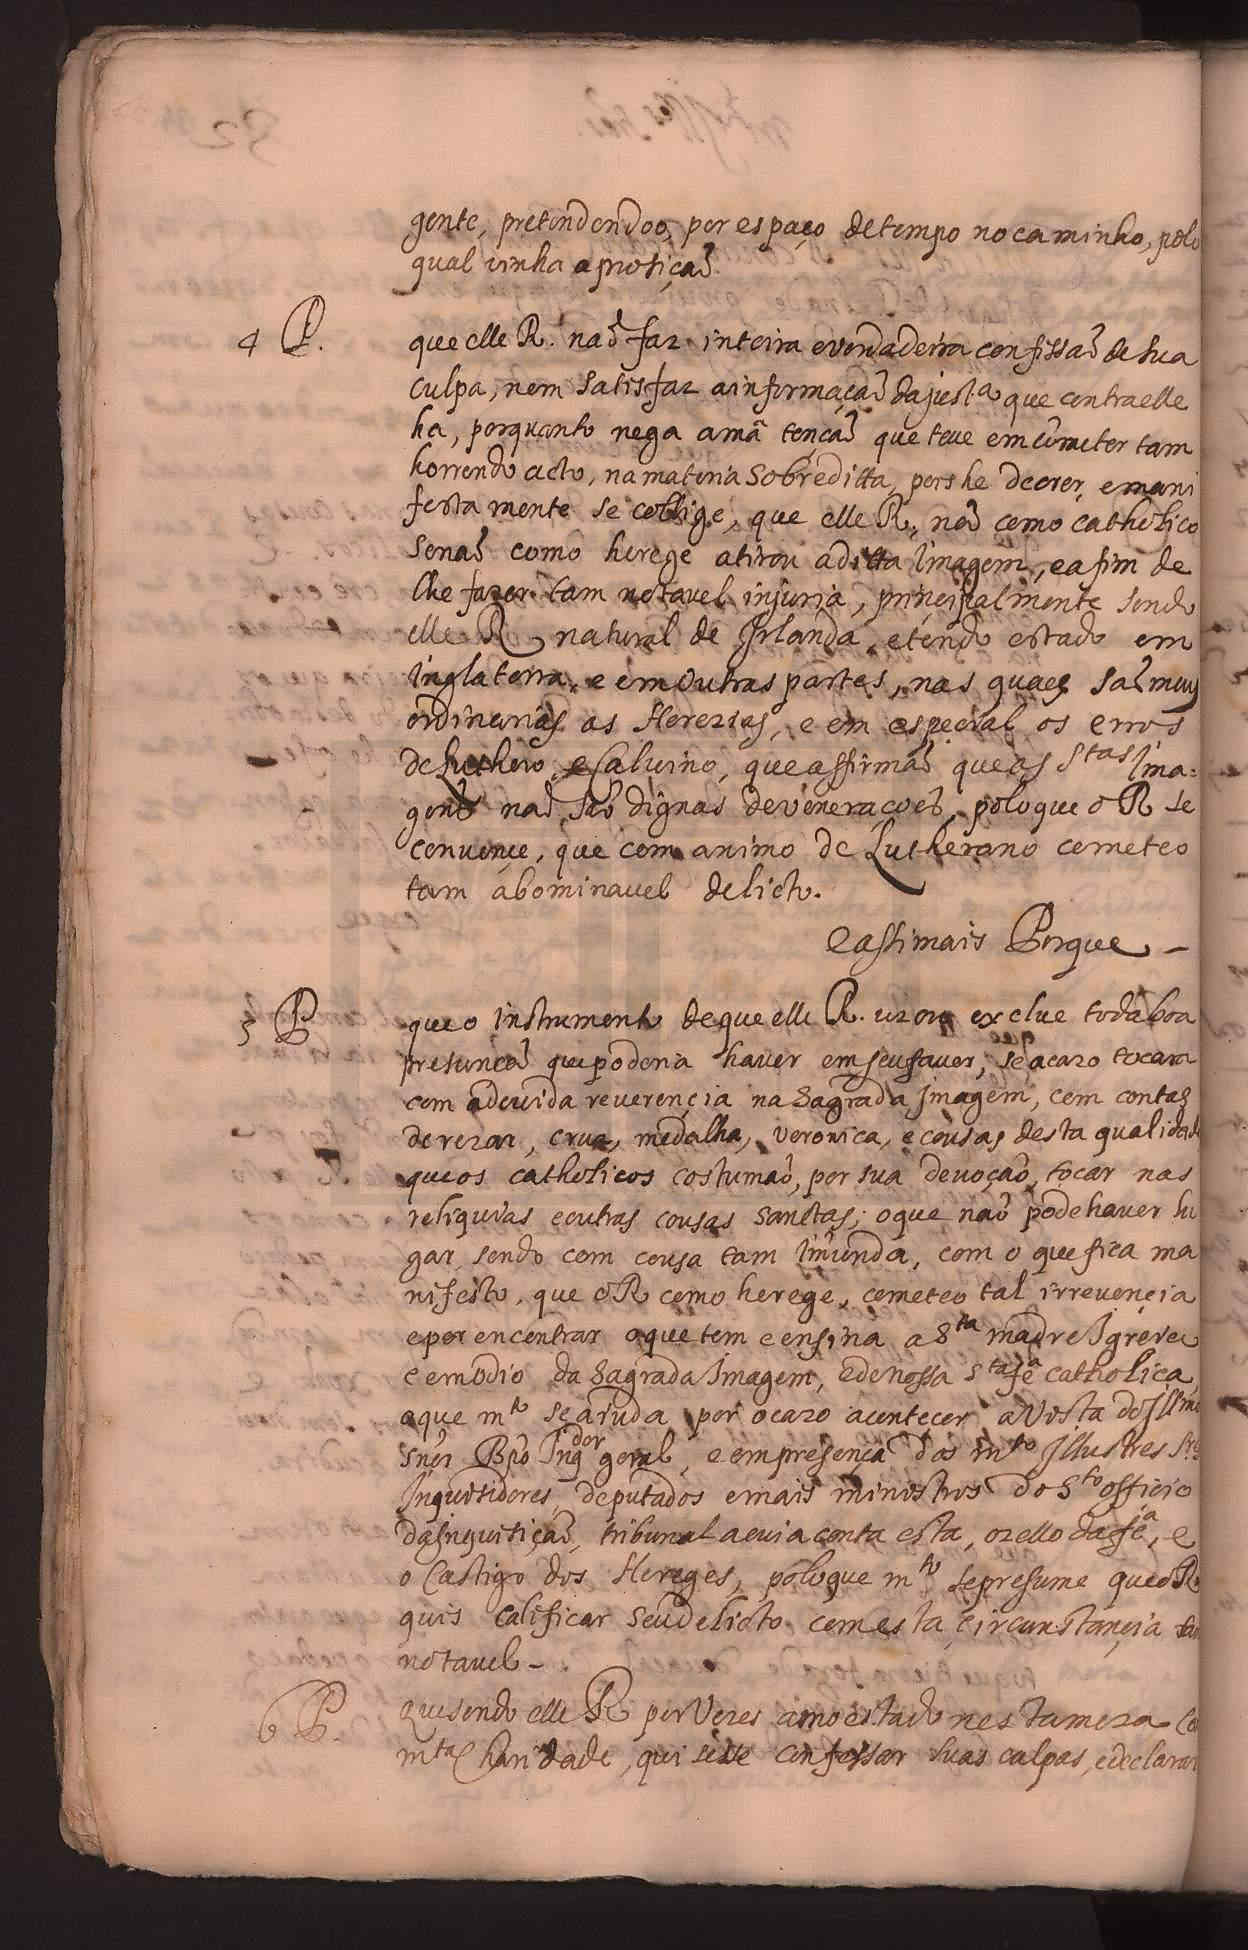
gente, pretendendoo, por espaço de tempo no caminho, polo
qual vinha a prosiçaõ
4 P.
que elle R. naõ faz inteira e verdadeira confissaõ de sua
culpa, nem satisfaz a informaçaõ da justa que contra elle
ha, porquanto nega a má tençaõ que teue em cōmeter tam
horrendo acto, na materia Sobreditta, pois he de crer, e mani
festamente se collige, que elle R, naõ como catholico
senaõ como herege atirou a ditta Imagem, e a fim de
lhe fazer tam notauel injuria, prinçipalmente sendo
elle R natural de Jrlanda, e tendo estado em
Inglaterra, e em outras partes, nas quaes saõ muy
ordinarias as Herezias, e em especial os erros
de Luthero, e Caluino, que affirmaõ que as Stas Ima
gens naõ saõ dignas de veneraçoẽs, polo que o R se
conuençe, que com animo de Lutherano cometeo
tam abominauel delicto.
e assi mais Porque
5 P
que o instrumento de que elle R. uzou exclue toda boa
presunçaõ que poderia hauer em seu fauor, se acazo tocara
com a deuida reuerencia na Sagrada Jmagem, com contas
de rezar, crux, medalha, veronica, e cousas desta qualidad
que os catholicos costumaõ, por sua deuoçaõ, tocar nas
reliquias e outras cousas sanctas; o que naõ pode hauer lu
gar, sendo com cousa tam Imunda, com o que fica ma
nifesto, que o R como herege, cometeo tal irreuençia
e por encontrar o que tem e ensina a Sta madre Igreia
e em odio da Sagrada Imagem, e de nossa sta fê catholica
a que mto se aiuda por o cazo acontecer a Vista do Jllmo
snōr Bpō Inqdor geral, e em presença dos mto Jllustres s.re
Inquisidores, deputados e mais ministros do Sto officio
da Jnquisiçaõ, tribunal a cuia conta esta, o zello da fê, e
o Castigo dos Hereges, polo que mto se presume que o R
quis calificar seu delicto com esta circunstancia ta
notauel.
6 P
Que sendo elle R por Vezes amoestado nesta meza co
mta Charidade, quisesse confessar suas culpas, e declarar
